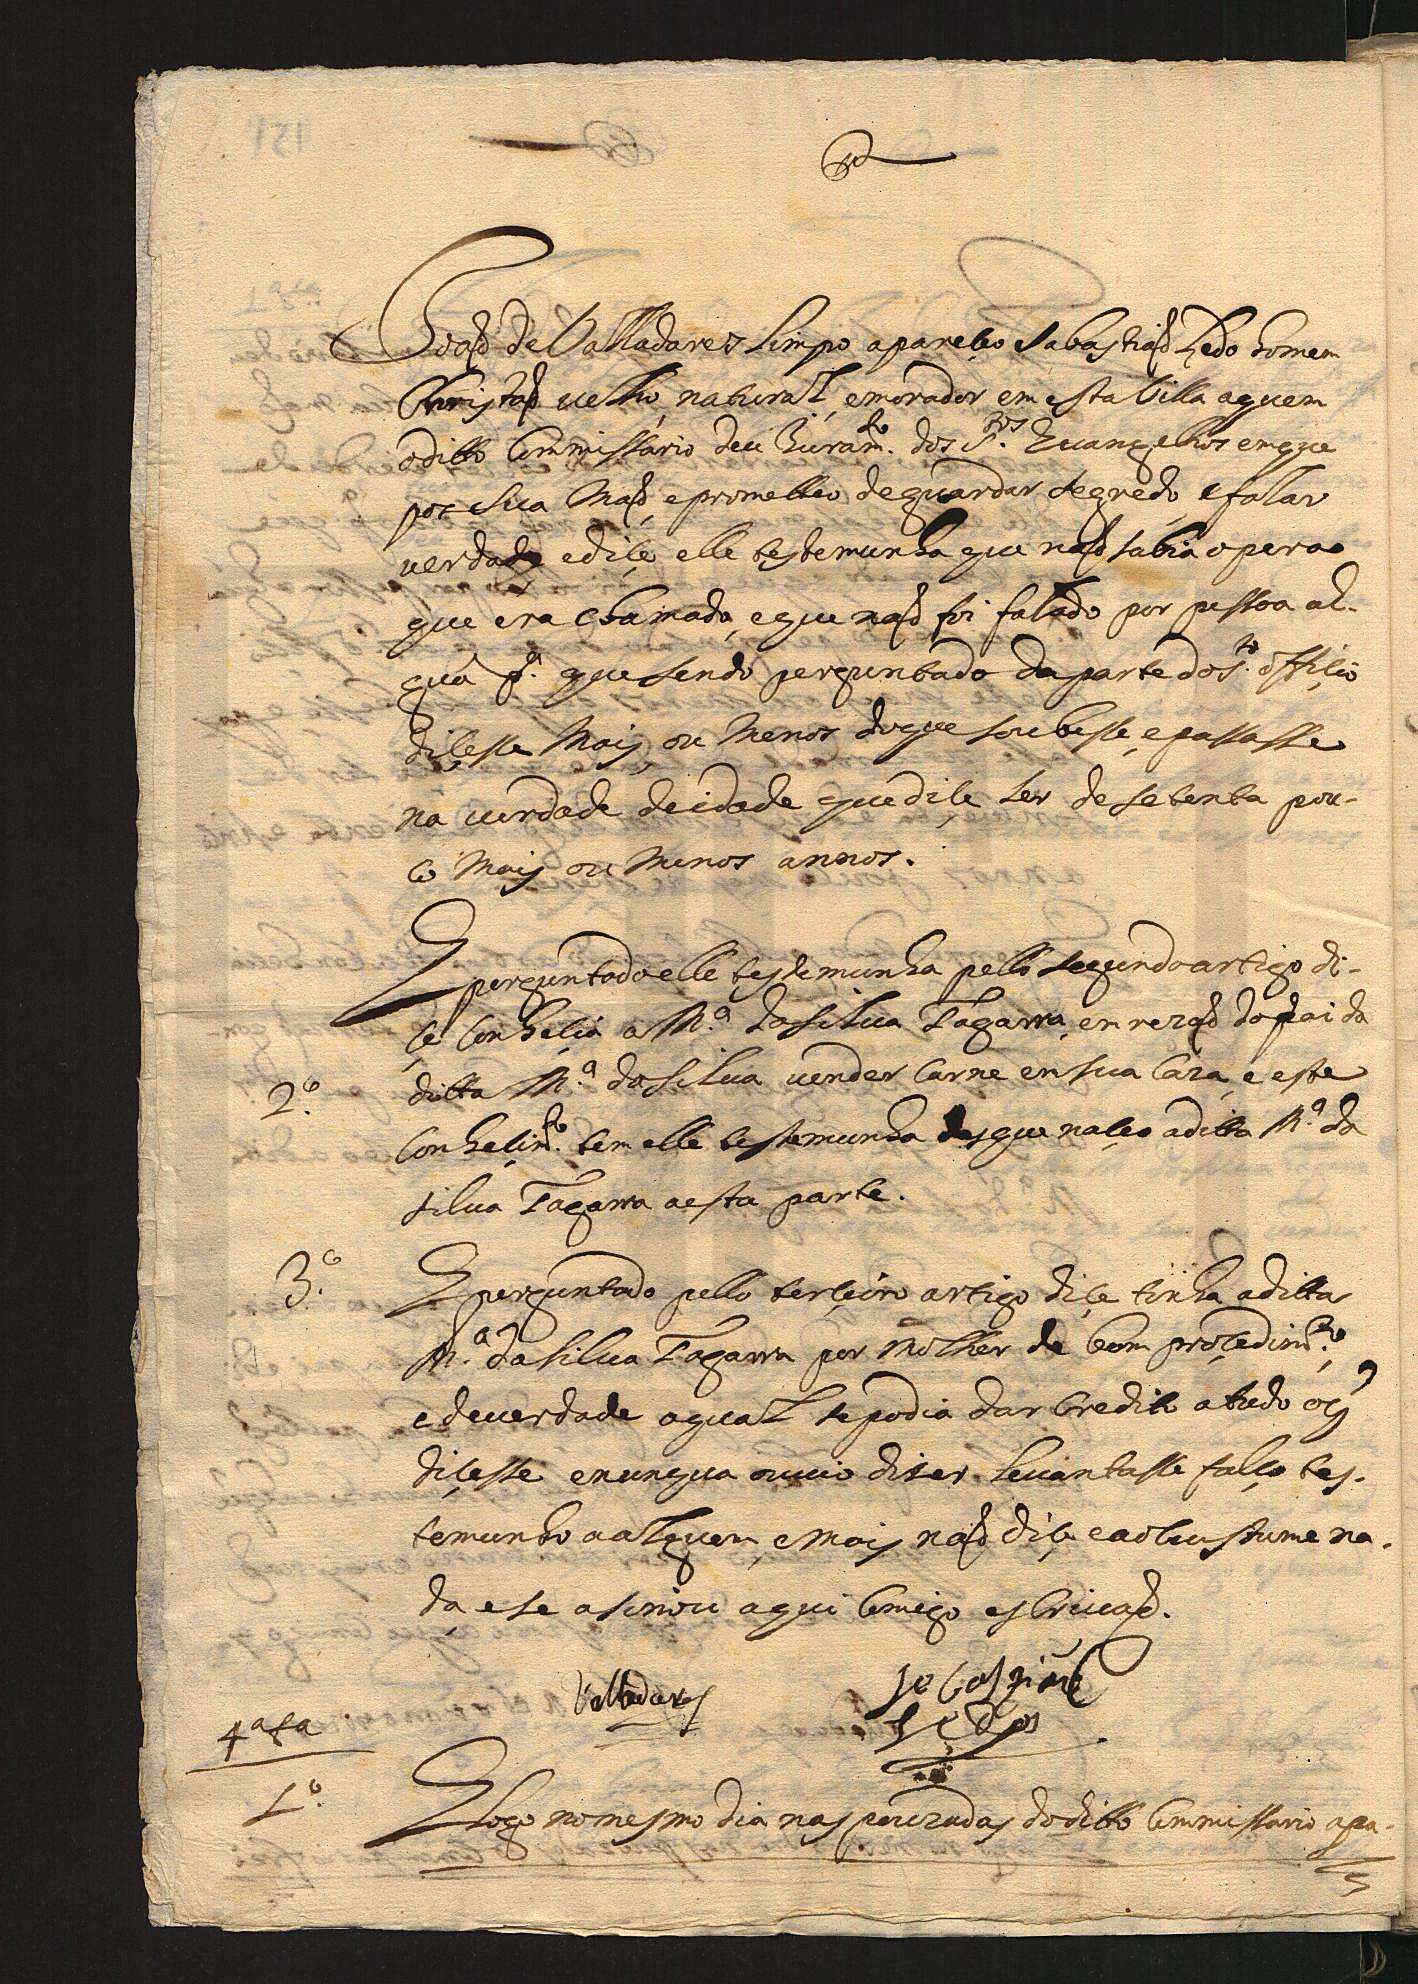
Ioaõ de Valladares Limpo apareçeo sabastiaõ Ledo homem
Christaõ uelho, natural, e morador em esta Villa a quem
o ditto Commissario deu Iuram.to dos S.tos Euangelhos em que
pos Sua Maõ, e prometteo de guardar segredo, e falar
uerdad_, e diçe elle testemunha que naõ sabia o pera
que era chamado, e que naõ foi falado por pessoa al
guā p.a que sendo perguntado da parte do s.to offiçio
diÇesse mais, ou menos do que soubesse, e passasse
na uerdade de idade que diçe ser de setenta pou
co mais ou menos annos.
E perguntado elle testemunha pello segundo artigo di
çe Conheçia a M.a da Silua Tagarra, em rezaõ do pai da
ditta M.a da Silua uender carne en sua caza, e este
Conheçimto. tem elle testemunha des que naçeo a ditta M.a da
Silua Tagarra a esta parte.
E perguntado pello terçeiro artigo diçe tinha a ditta
M.a da Silua Tagarra por molher de bom proçedim.to,
e de uerdade a qual se podia dar credito a tudo o q̄
diçesse e nunqua ouuio diser leuantasse falço tes
temunho a alguem, e mais naõ diçe e ao custume na
da, e se asinou aqui Comigo esCriuaõ.
E logo no mesmo dia nas pouzadas do ditto Commissario apa
